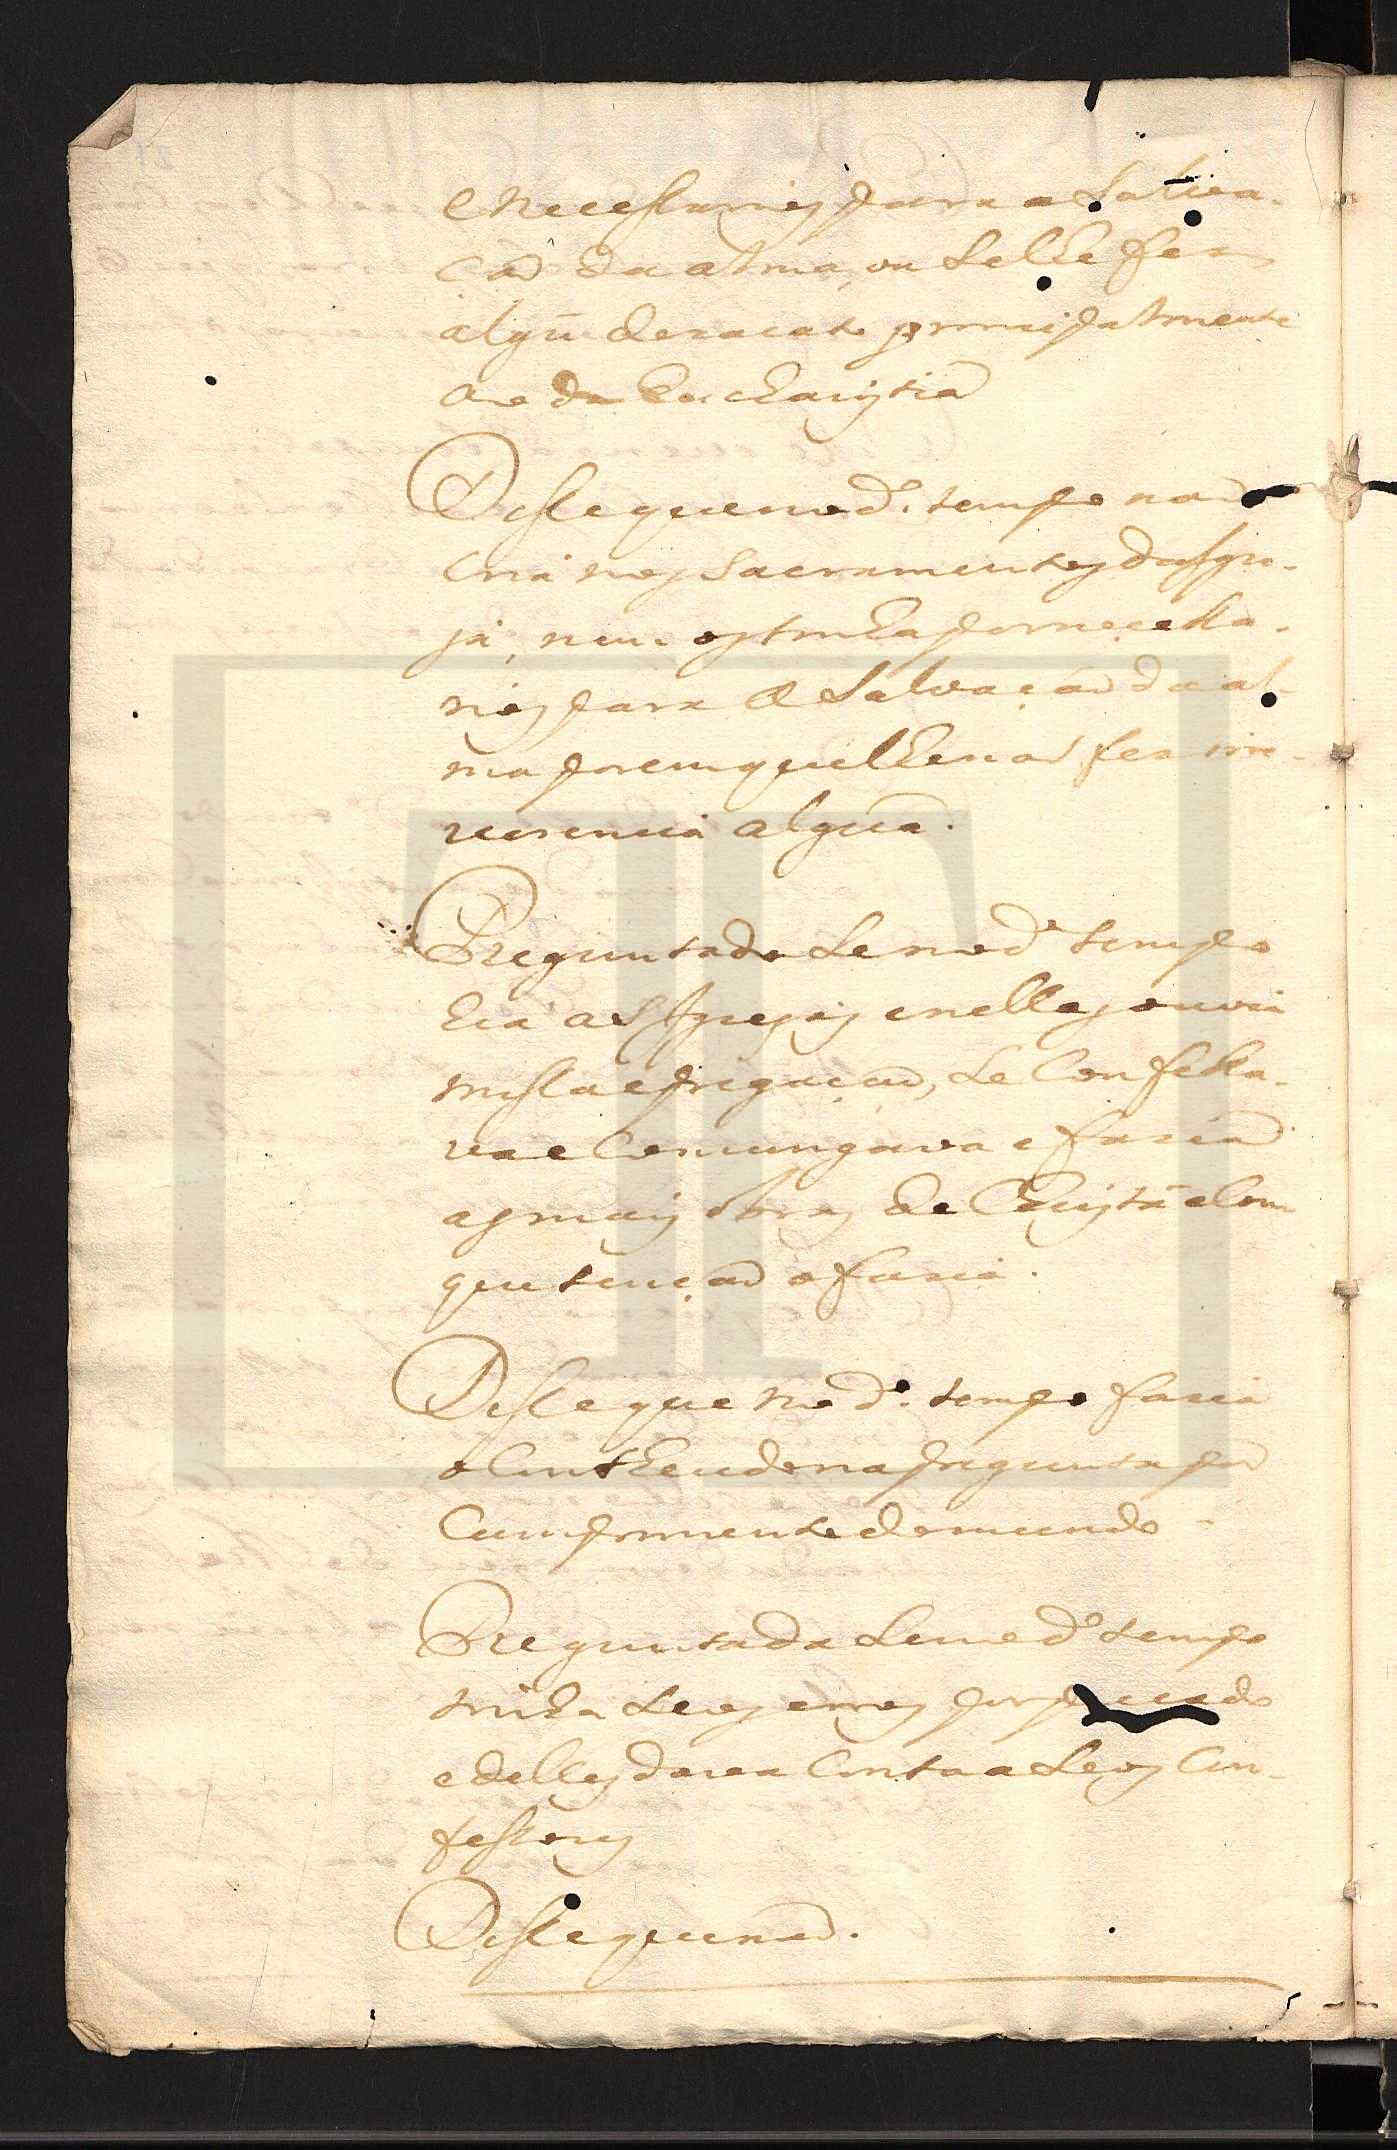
e necessarios para a Salva
çaõ da alma, ou se lhe fez
algū dezacato principalmente
ao da horcharistia
Disse que no d.o tempo naõ
cria nos Sacramentos da Jgre
já, nem os tinha por necessa
rios para a Salvaçaõ da al
ma porem que lhe naõ fez irre
verencia alguā.
Preguntada se no do tempo
hia as Jgrejas e nellas ouvia
missa e prigaçao, se Confessa
va e comungava e fazia
as mais obras de Christã e Com
que tençaõ o fazia.
Disse que no d.o tempo fazia
o Contheudo na pregunta por
Cumprimento do mundo
Preguntada se no do tempo
tinha seos erros por peccado
e delles dava conta a seos con
fessores
Disse que naõ.
